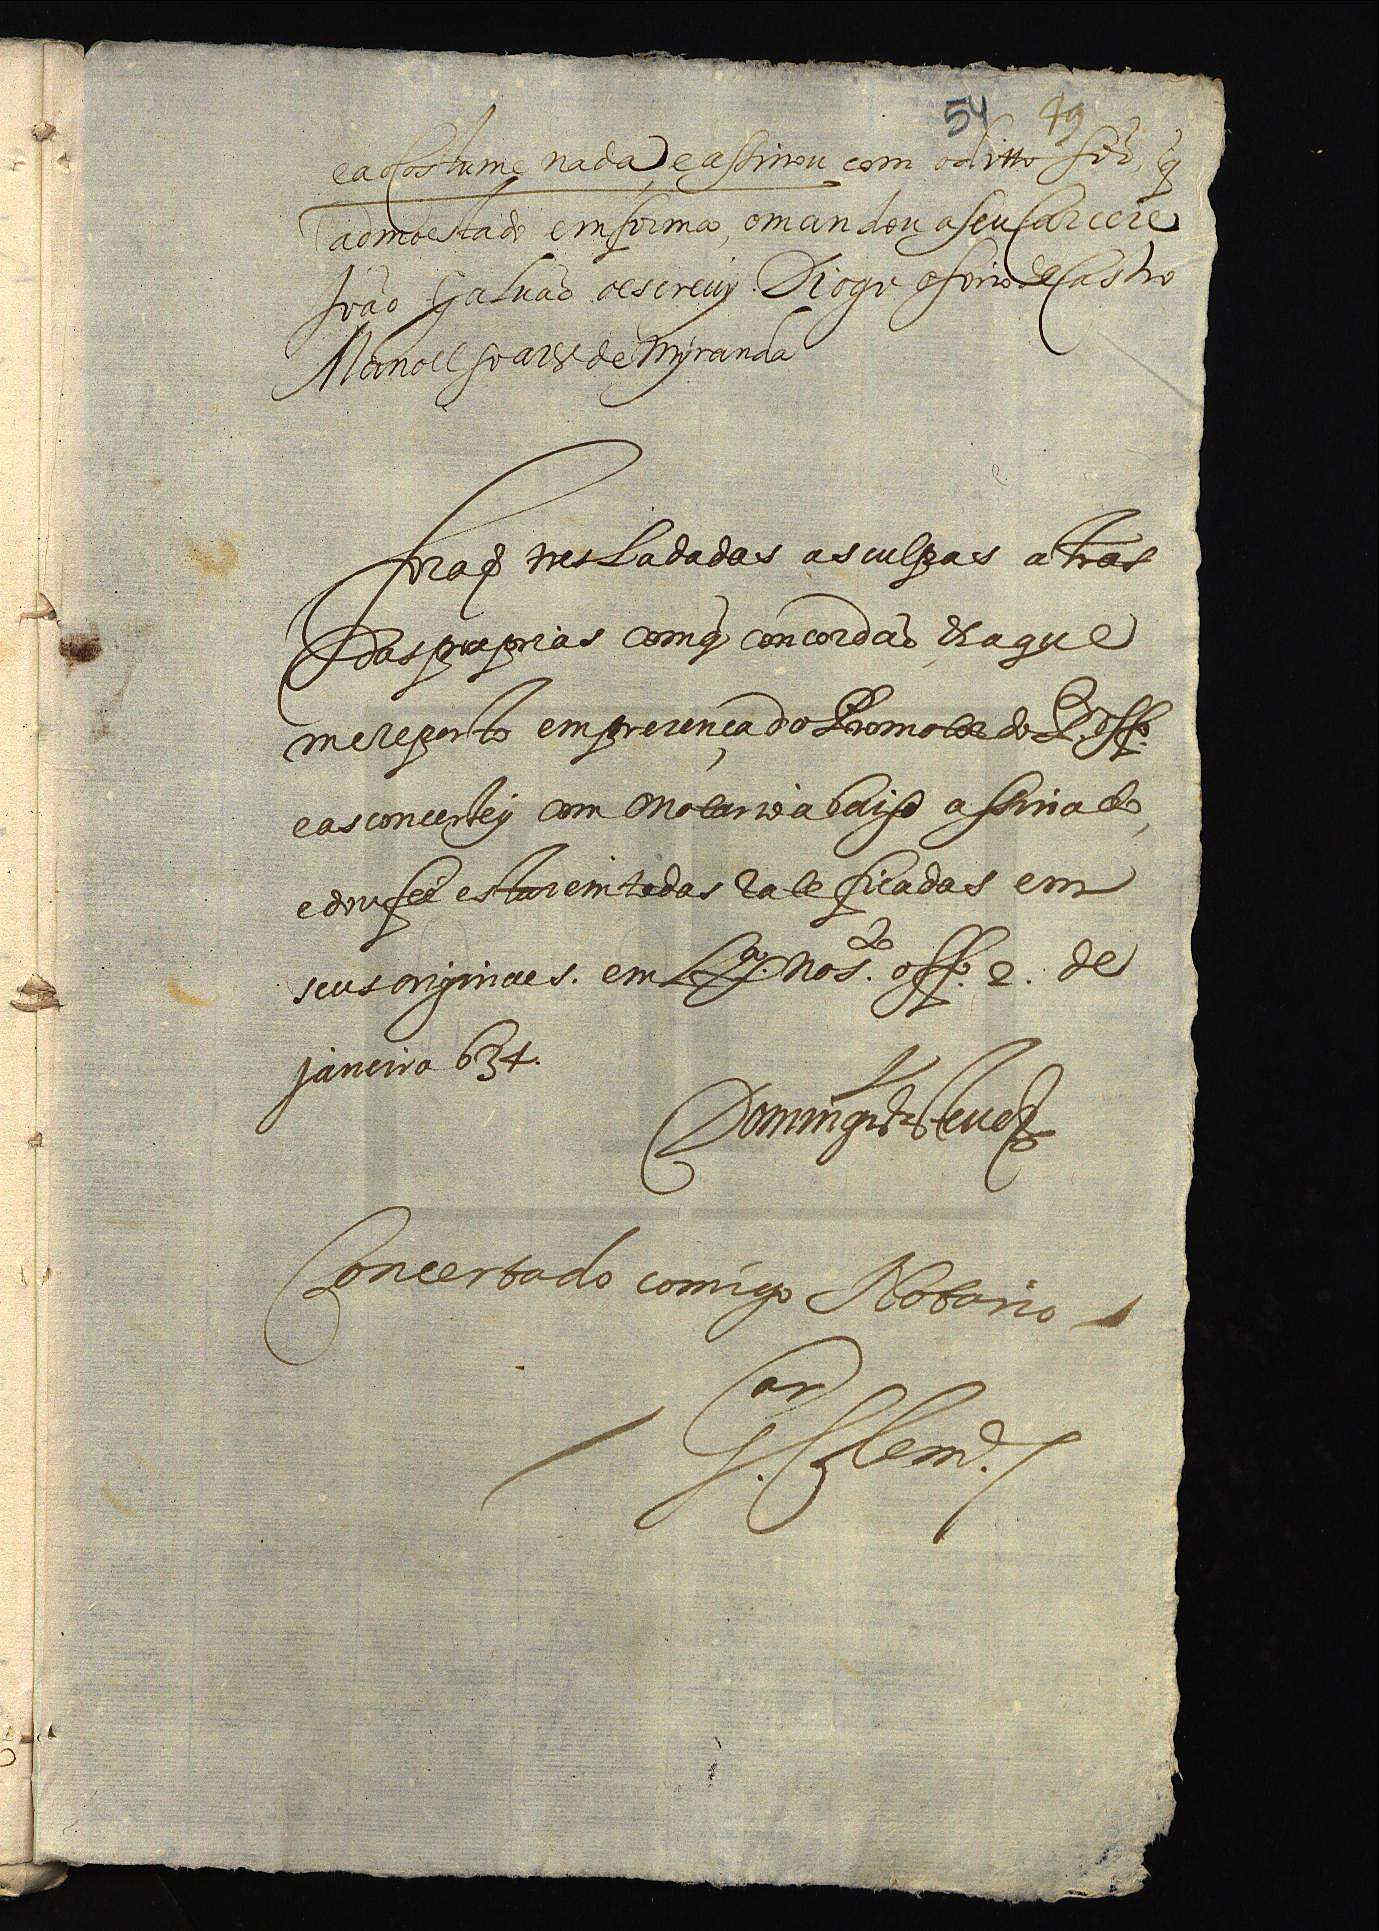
e ao Costume nada, e assinou com o ditto sor̄, q̄
admoestado em forma, o mandou a seu Carcere
João GaLuão o escreuy. Diogo osorio de Castro
Manoel soares de myranda
Foraõ tresLadadas as culpas atras
das proprias com q̄ concordaõ & a que
me reporto em prezença do Promotor do Sto. offo.
e as concertey com o notario abaixo assinado,
e dou feé estarem todas rateficadas em
seus originaes. em Lxa. no s.to offo. 2 de
janeiro 634.
Concertado comigo Notario
